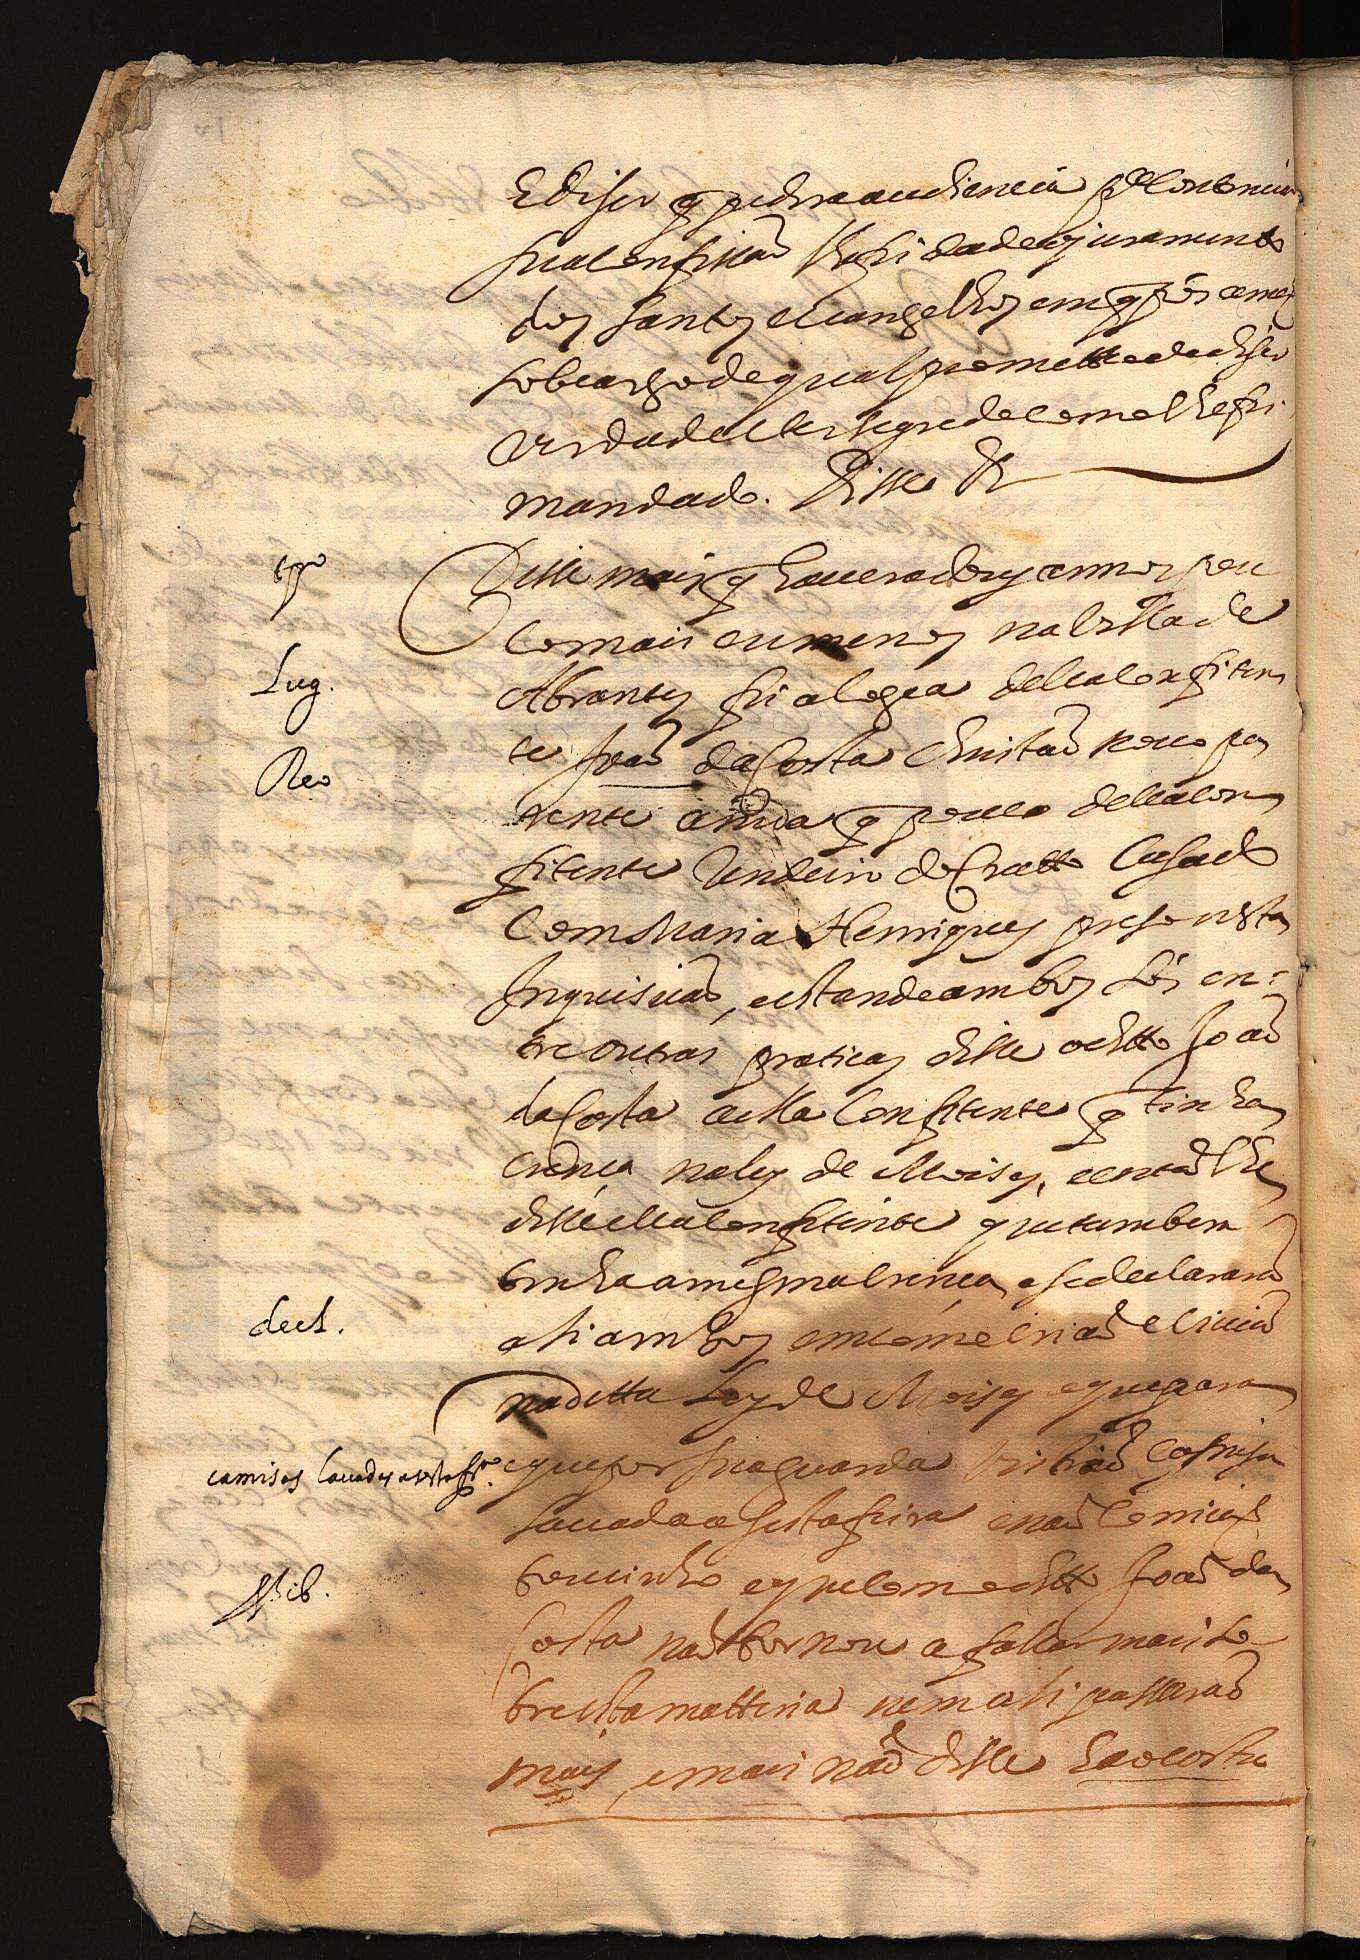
E diser q̄ pedira audiencia pa contenuar
sua confissaõ lhe foi dado o juramento
dos santos euangelhos em q̄ pós a maõ
sob cargo do qual prometteo de diser
verdade e ter segredo como lhe foi
mandado. Disse &
tpo
Disse mais q̄ hauera dous annos pou
co mais ou menos na Villa de
Lug.
Abrantes foi a logea della confiten
te Joaõ da Costa christaõ nouo pa
Reo
rente ainda q̄ pouco della con
fitente Rendeiro do Cratto casado
com Maria Henriques preso nesta
Jnquisicaõ, e estando ambos sós en
tre outras praticas disse o ditto Joaõ
da Costa a ella confitente q̄ tinha
crença na ley de Moises, e entaõ lhe
disse ella confitente que tambem
tinha a mesma crença, e se declararaõ
decl.
asi ambos em como criaõ e viuiaõ
na ditta Ley de Moises e que para
camisas lauadas a sesta fra.
e que por sua guarda vistiaõ camisa
lauada a sesta feira e naõ comiaõ
toucinho e que com o ditto Joaõ da
ꝓhib.
Costa naõ tornou a fallar mais so
bre esta matteria nem ali passaraõ
mais, e mais naõ disse E ao costu
